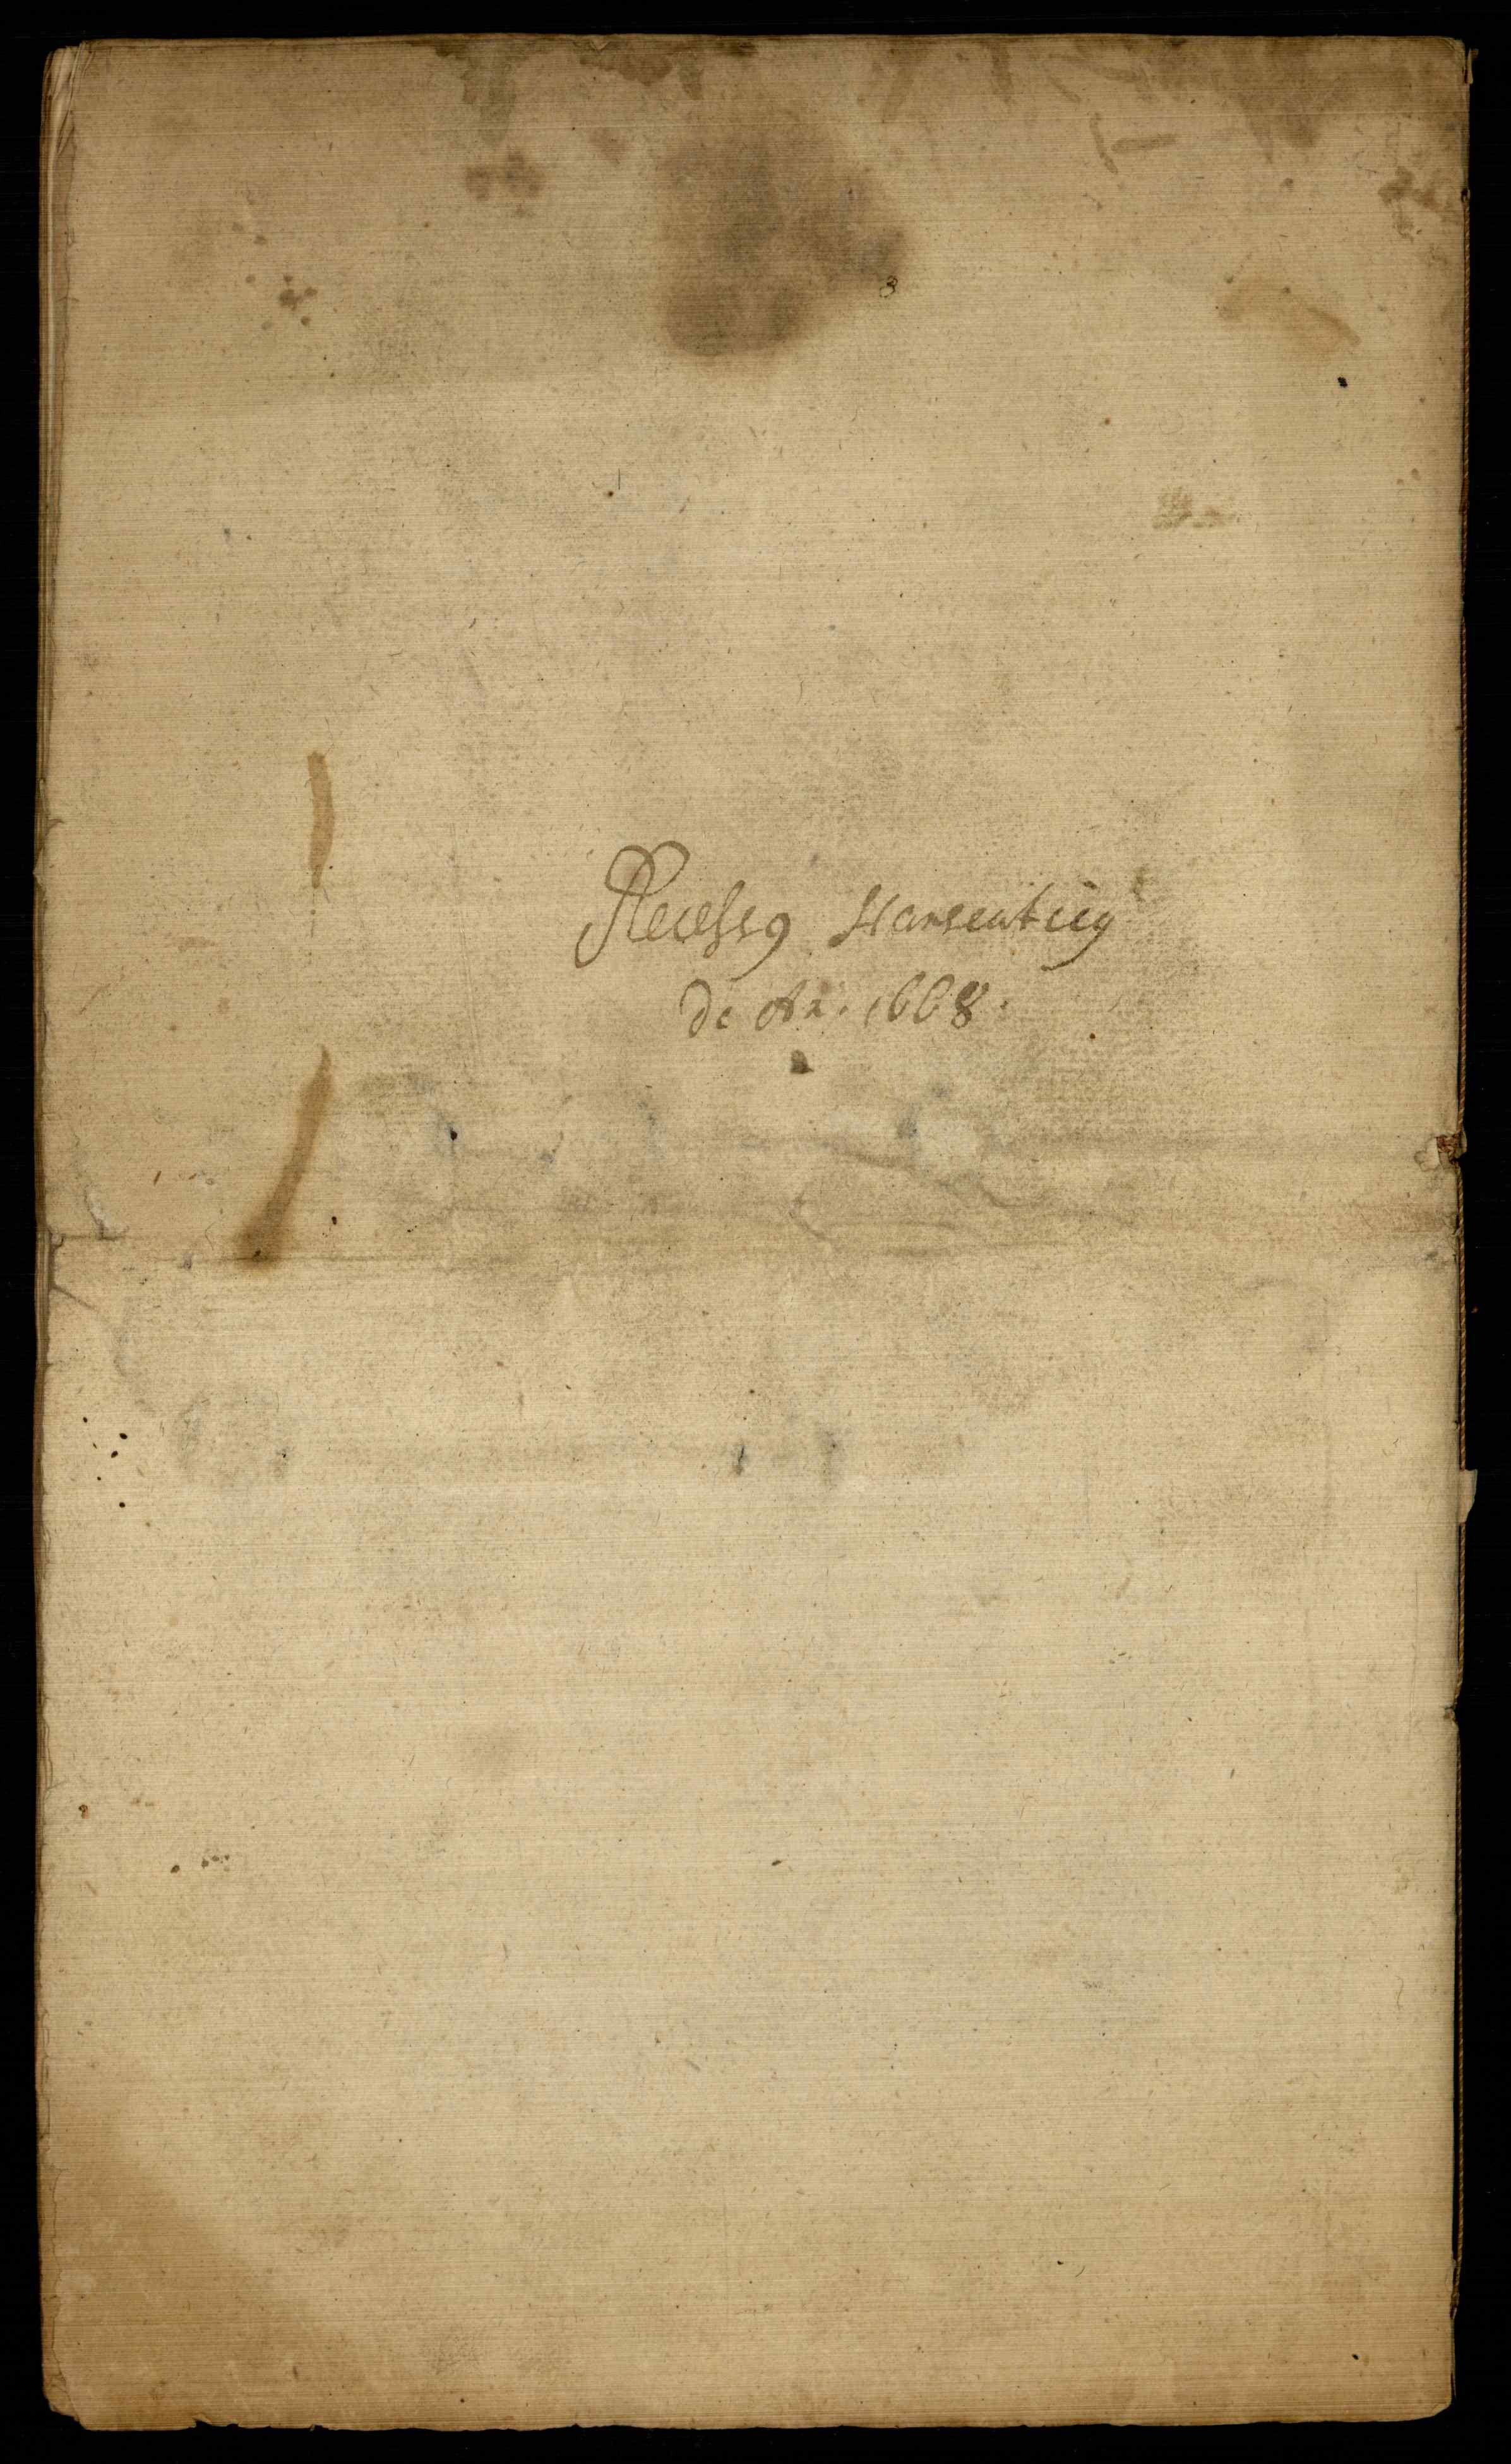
Recessus Hanseaticus
de An. 1668.
